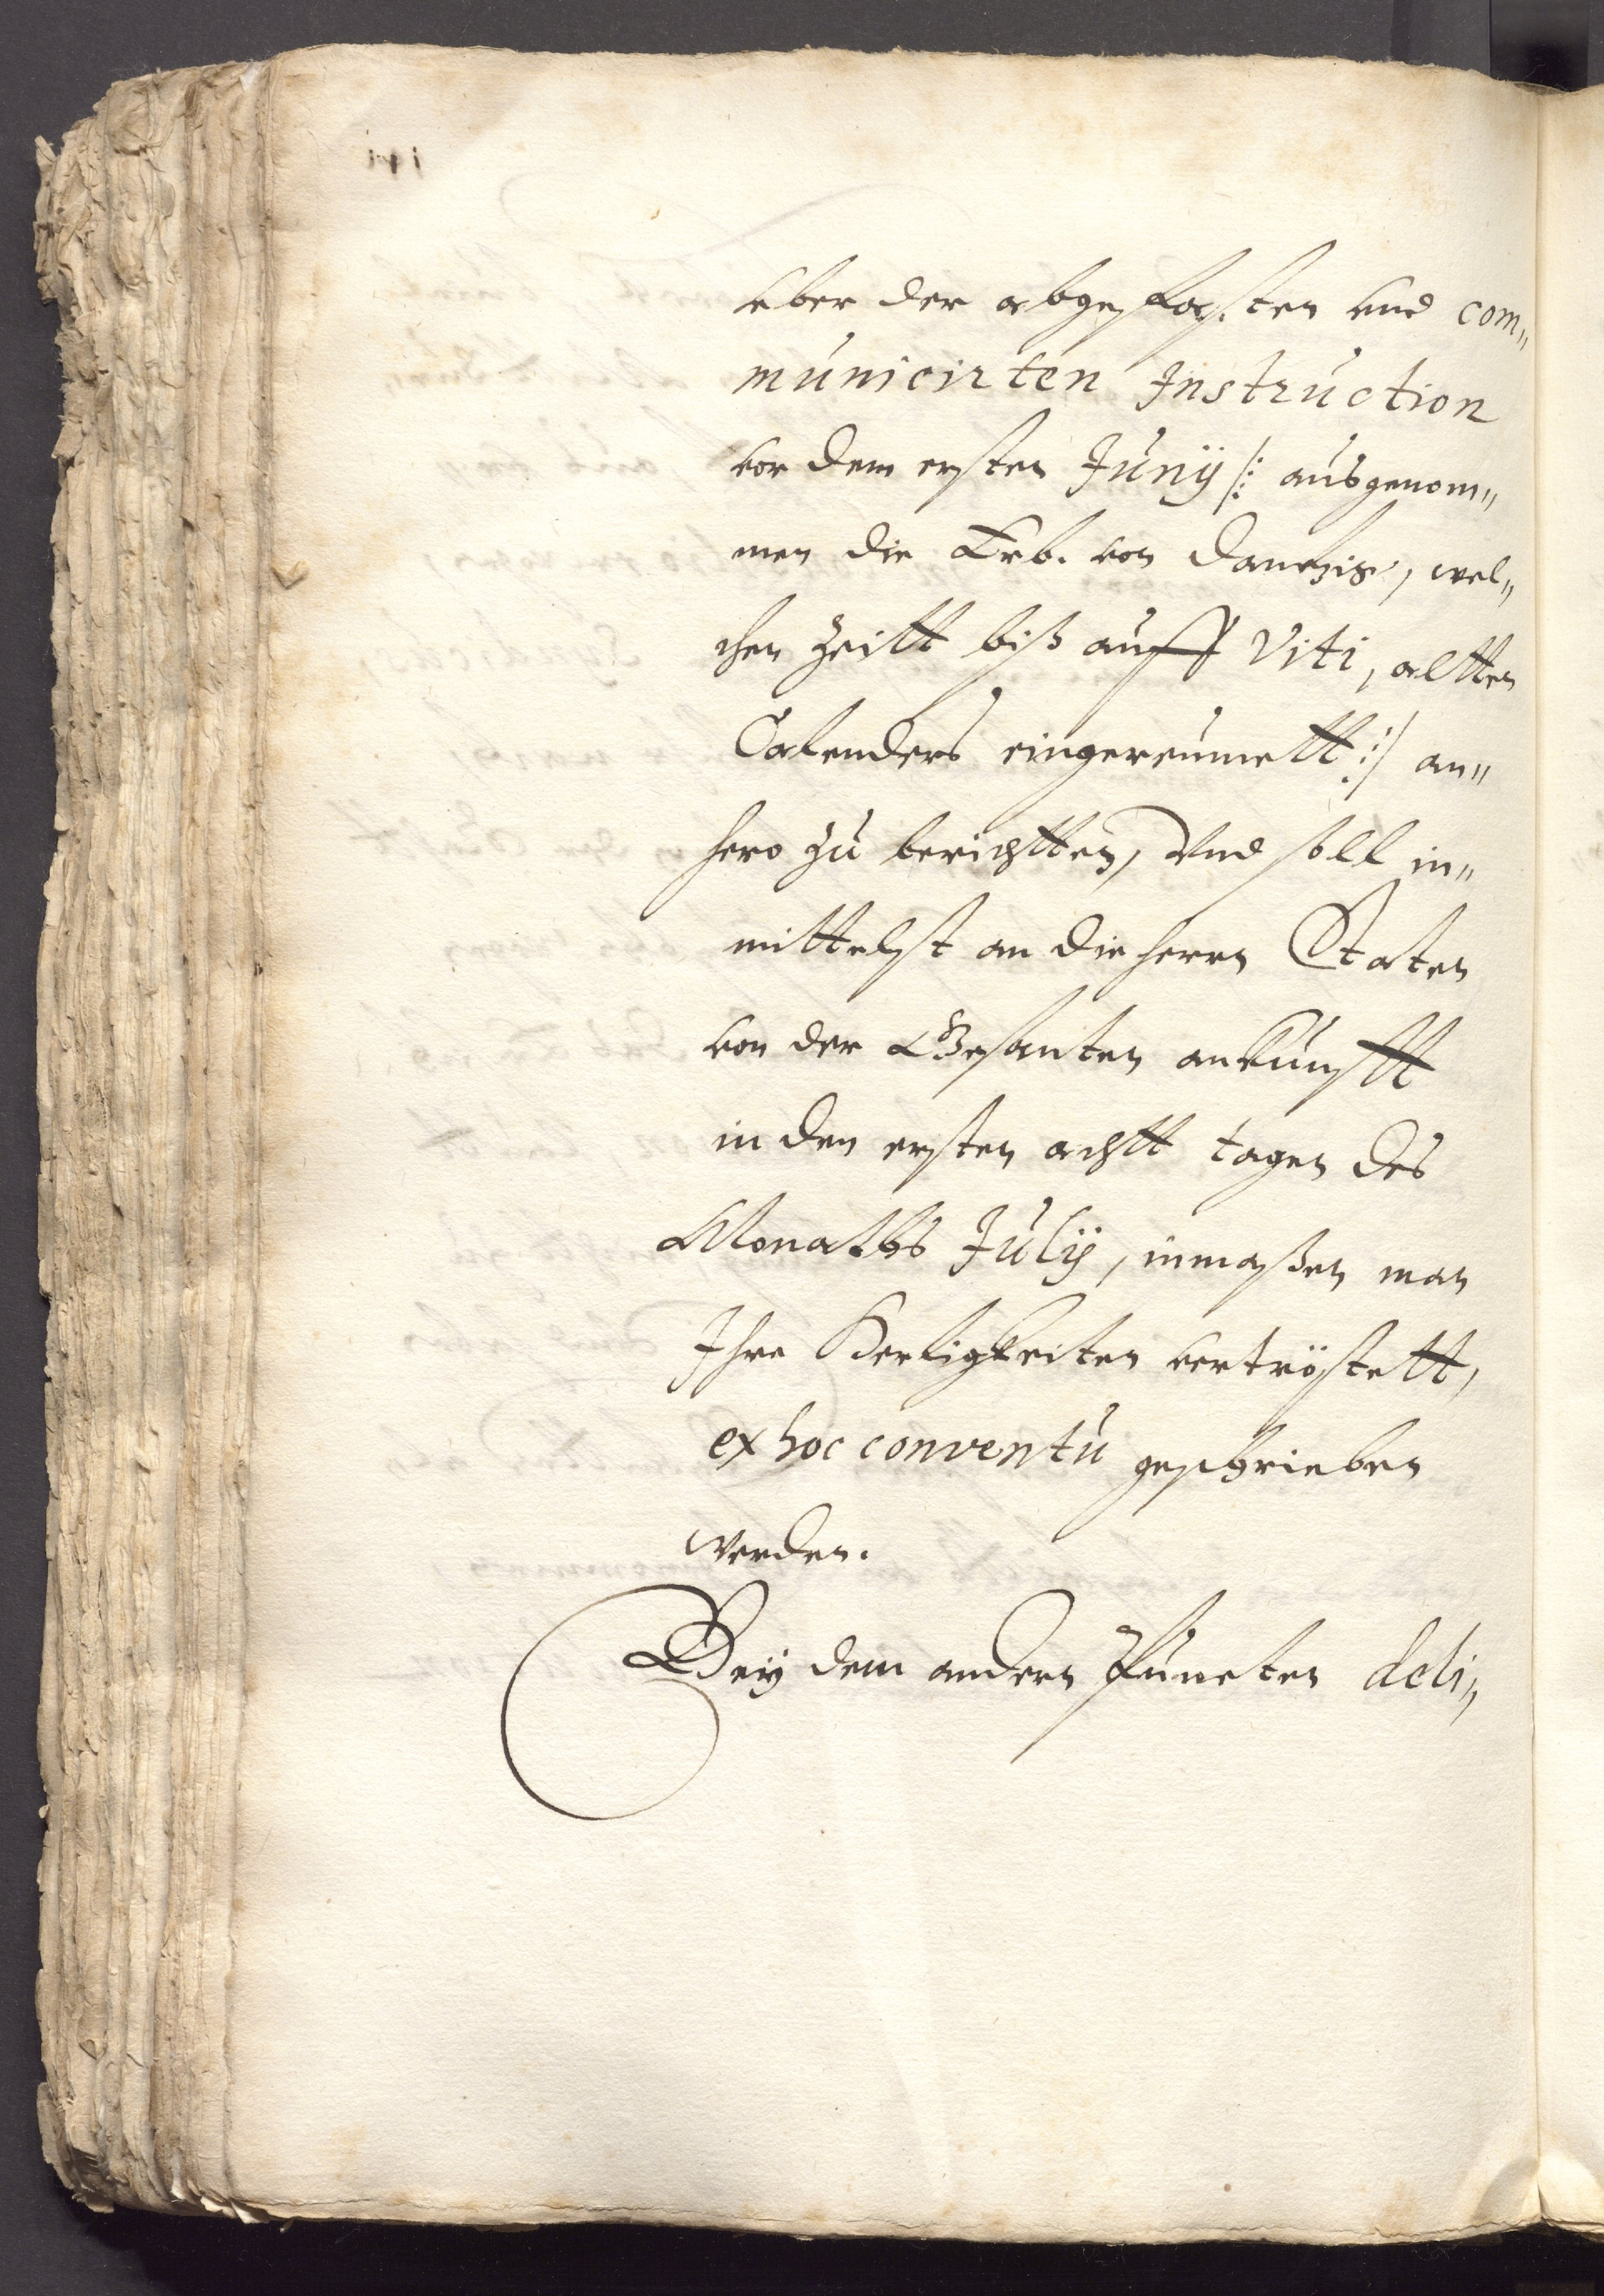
vber der abgefasten vnd com¬
municirten Jnstruction
vor dem ersten Junij |: ausgenom¬
men die Erb. von Dantzig, wel¬
cher zeitt biß auff viti, altten
Calenders eingereumett :| an¬
hero zu berichtten, vnd soll in¬
mittelst an die herrn Staten
von der Gesanten ankunft
in den ersten achtt tagen des
Monaths Julij, inmaßen man
Jhre Herligkeiten vertröstett
ex hoc conventu geschrieben
werden.
Beij dem andern Puncten deli¬
